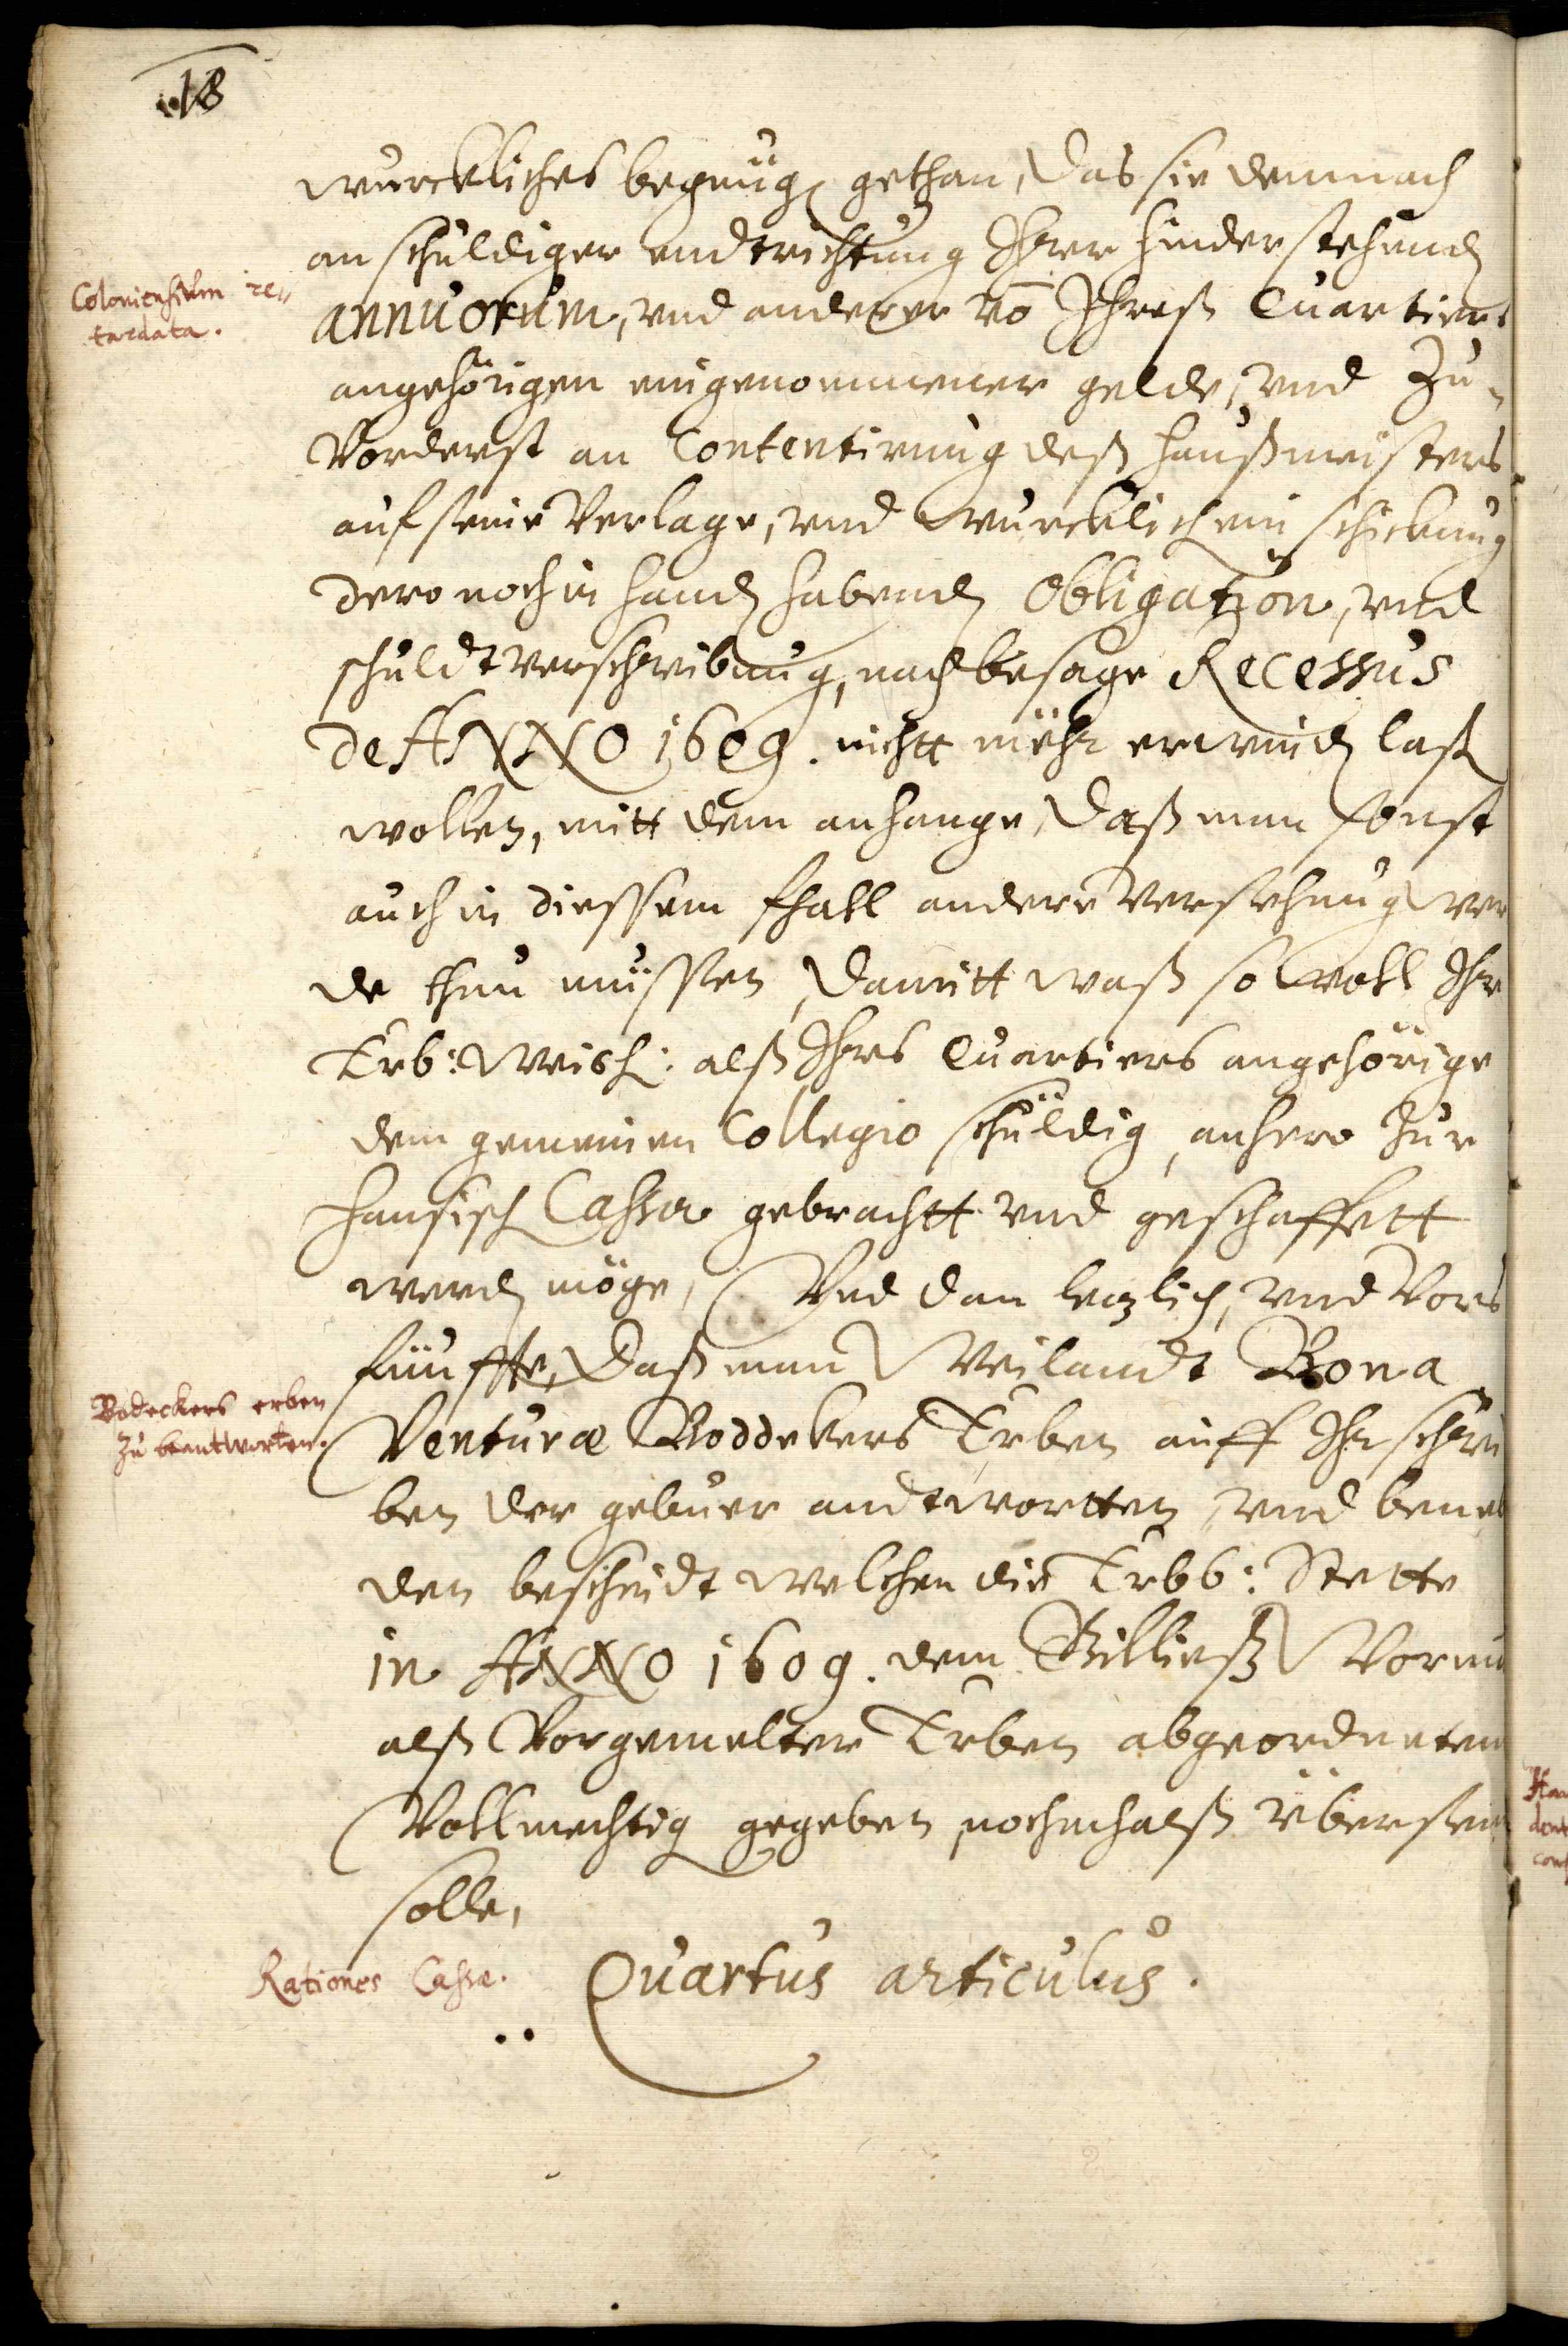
18
wurckliches begnügen gethan, Das sie demnach
an schuldiger endtrichtung Ihrer hinderstehenden
annuorum, vnd anderer von Ihres Quartiers
angehörigen eingenommener gelde, vnd zu¬
vorderst an Contentirung deß haußmeisters
auf seine Verlage, vnd wurcklichen einschickung
dero noch in handen habenden obligation, vnd
schuldtverschreibung, nach besage Recessus
de ANNO 1609. nichtt mehr erweiden laßen
wollen, mitt dem anhange, daß man sonst
auch in diessem fhall andere Versehung wer
de thun müssten, damitt waß so wohl Ihr
Erb: Weish: alß Ihrs Quartiers angehörige
dem gemeinen Collegio schüldig, anhero zur
Hansischen Cassa gebrachtt vnd geschaffett
werden möge, Vnd dan letzlich, vnd Vors
fünfte, daß man Weilandt Bona
Venturae Boddekers Erben auff Ihr schrei
ben der gebuer andtwortten, vnd bene
den bescheidt welchen die Erbb: Stette
in ANNO 1609. dem Gilließ Wornu
alß vorgemelter Erben abgeordneten
Vollmechtigen gegeben, nochmhalß vbersen
solle,
Coloniensium re¬
tardata.
Bodeckers erben
zu beantworten.
Rationes Casse.
Quartus articulus.
